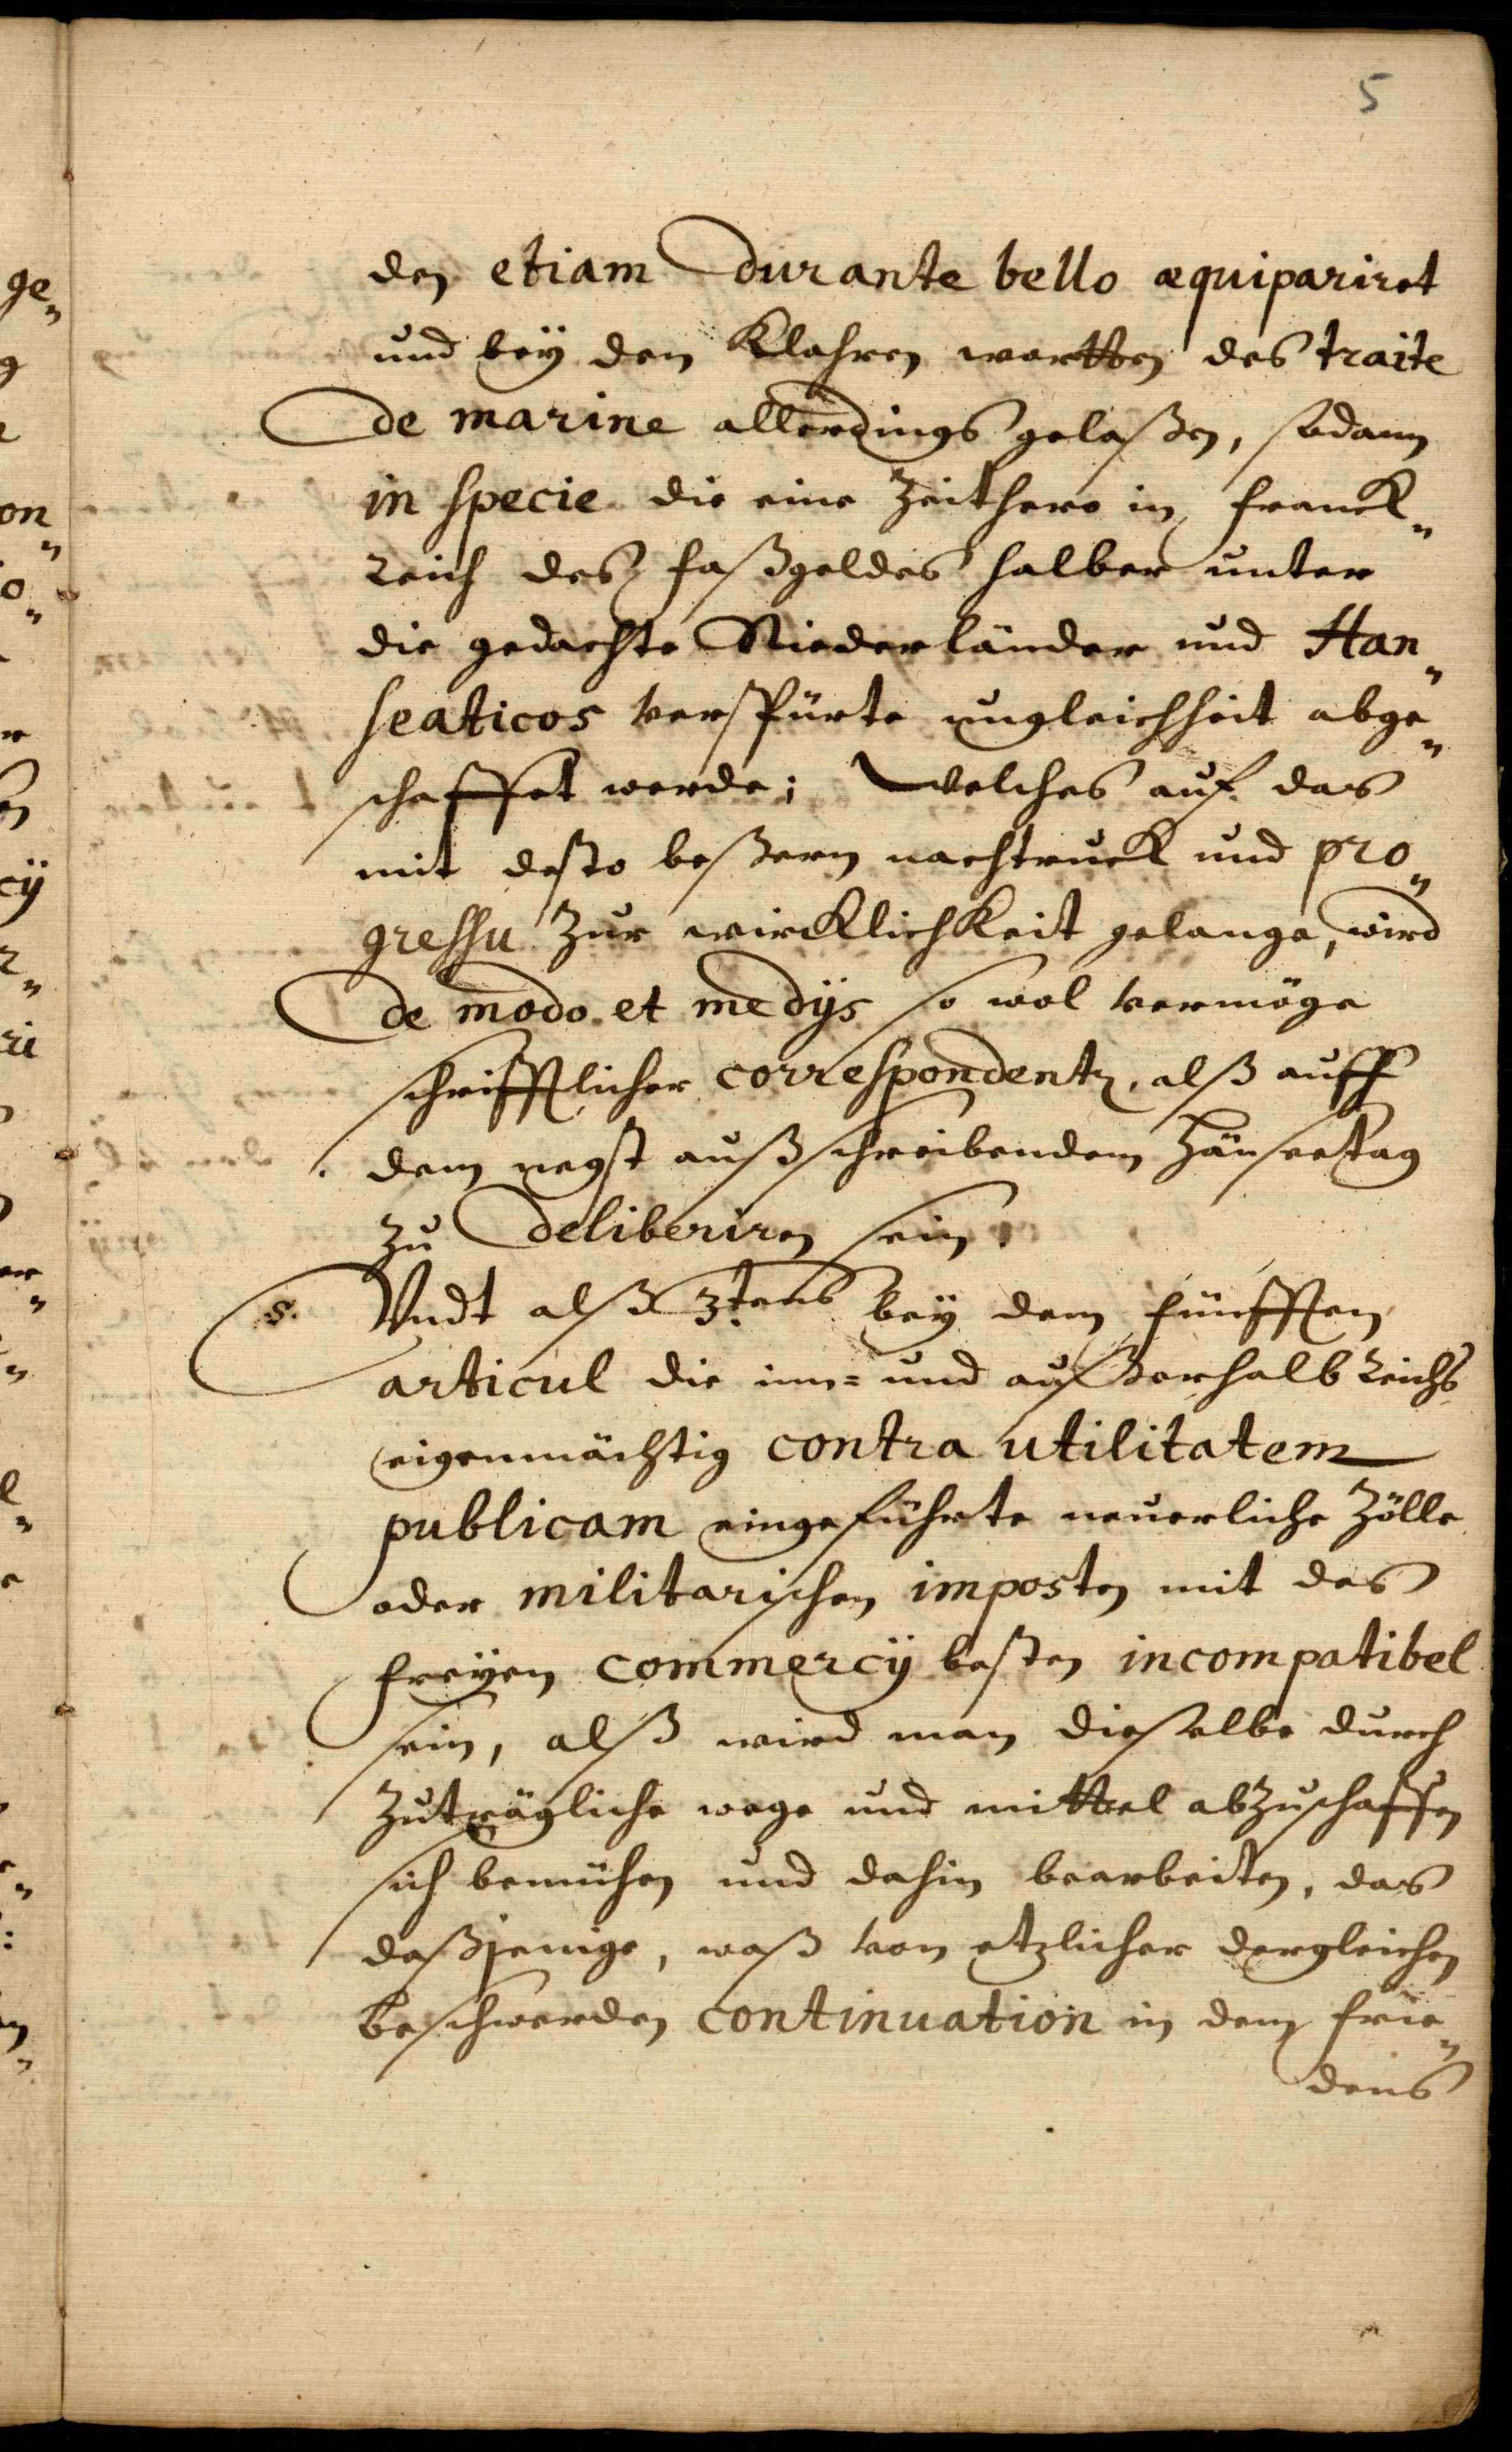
den etiam durante bello aequipariret
und beij den Klahren wortten des traite
de marine allerdings gelaßen, sodann
in specie die eine zeithero in Franck¬
reich des Faßgeldes halber unter
die gedachte Niederländer und Han¬
seaticos verspürte ungleichheit abge¬
schaffet werde; welches auf das
mit desto beßern nachtruck und pro¬
gressu zur wircklichkeit gelange, wird
de modo et medijs so wol vermöge
schrifftlicher correspondenten, alß auff
dem negst außschreibendem Hänseetag
zu deliberiren sein.
Vndt alß 3.tens beij dem fünfften
articul die inn= und außerhalb Reichs
eigenmächtig contra utilitatem
publicam eingeführte neuerliche Zölle
oder militarischen imposten mit des
freijen commercij besten incompatibel
sein, alß wird man dieselbe durch
zuträgliche wege und mittel abzuschaffen
sich bemühen und dahin bearbeiten, das
daßjenige, waß von etzlicher dergleichen
Beschwerden continuation in dem frie¬
dens
